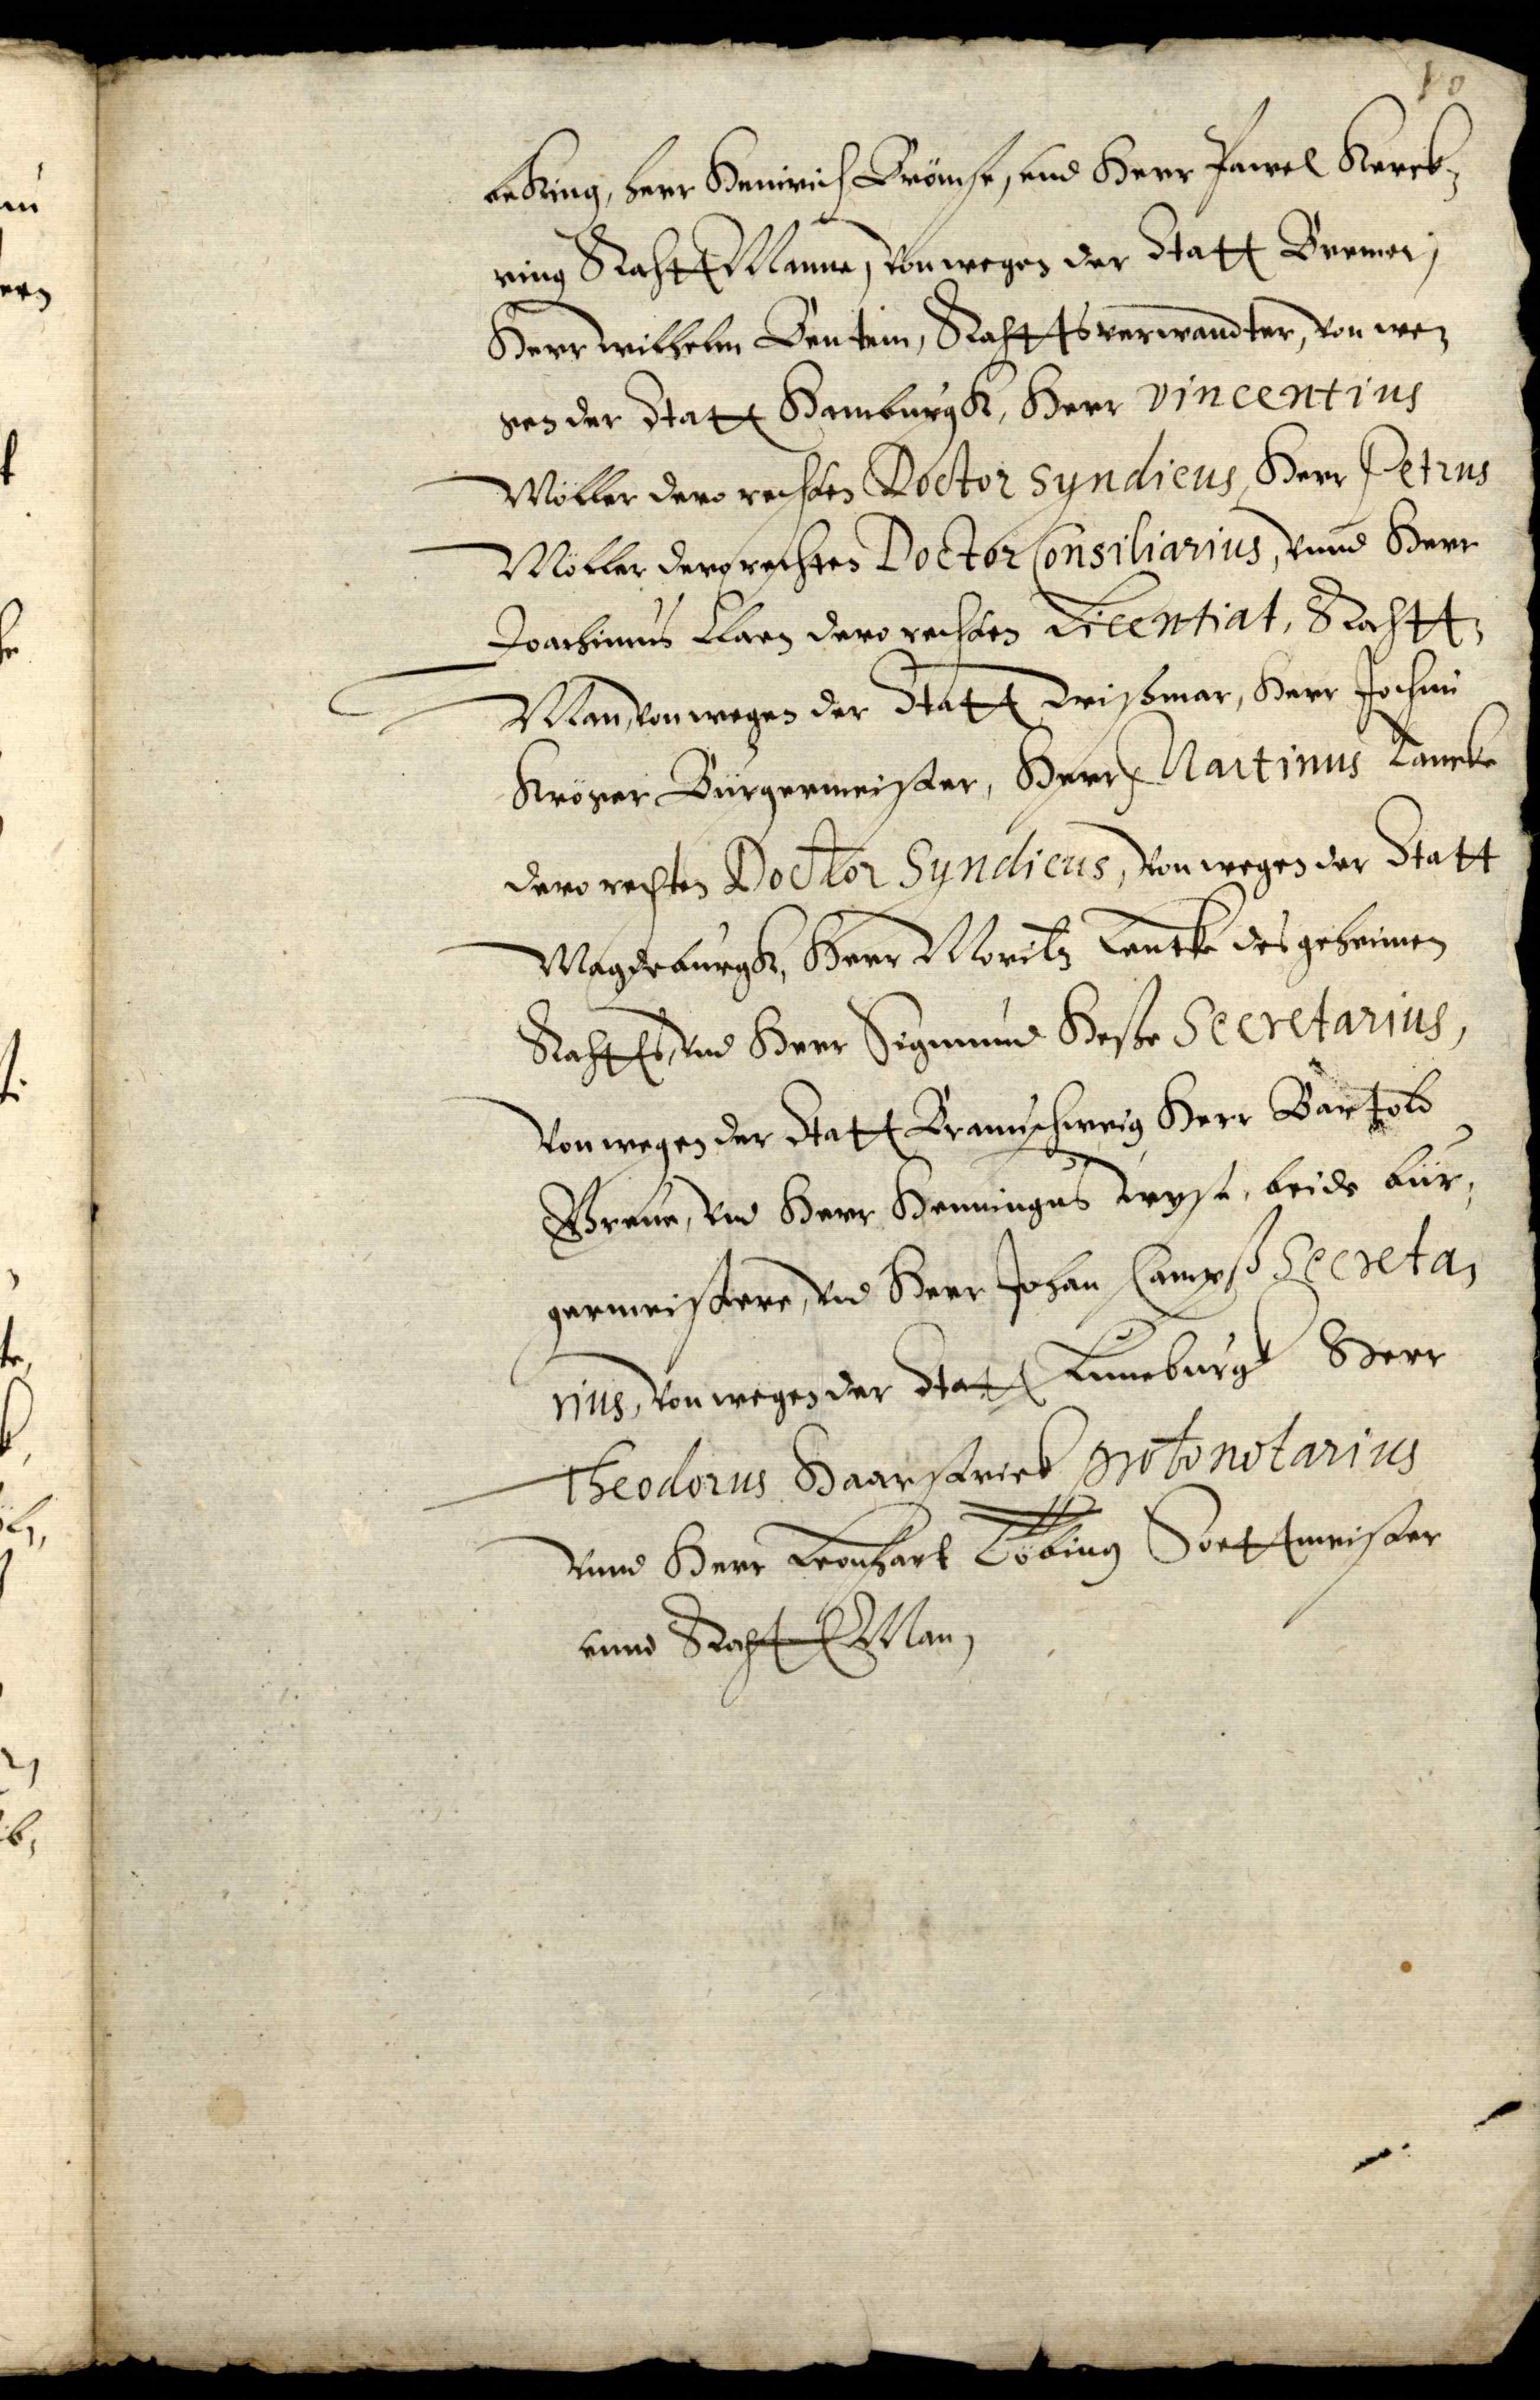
10
beking, herr heinrich Brömse, vnd Herr Pawel Kerck¬
ring Rahtt Manne, von wegen der Statt Bremen,
Herr Wilhelm Bentein, Rahttsverwandter, von we¬
gen der Statt Hamburgk, Herr vincentius
Möller dero rechten Doctor syndicus, Herr Petrus
Möller dero rechten Doctor Consiliarius, vnnd Herr
Joachimus Claen dero rechten Licentiat, Rahtt¬
Mann, von wegen der Statt Wißmar, Herr Jochim
Kröger Bürgermeister, Herr Martinus Tancke
dero rechten Doctor Syndicus, von wegen der Statt
Magdeburgk, Herr Moritz Lentke des geheimen
Rahtts, vnd Herr Sigmund Heße Secretarius,
von wegen der Statt Braunschweig Herr Bartold
Greue, vnd Herr Henningus Wyse, beide bür¬
germeistere, vnd Herr Johan Campß secreta¬
rius, von wegen der Statt Luneburgk Herr
Theodorus Haarstrick protonotarius
vnnd Herr Leonhart Löbing Soettmeister
vnnd RahttMan,
